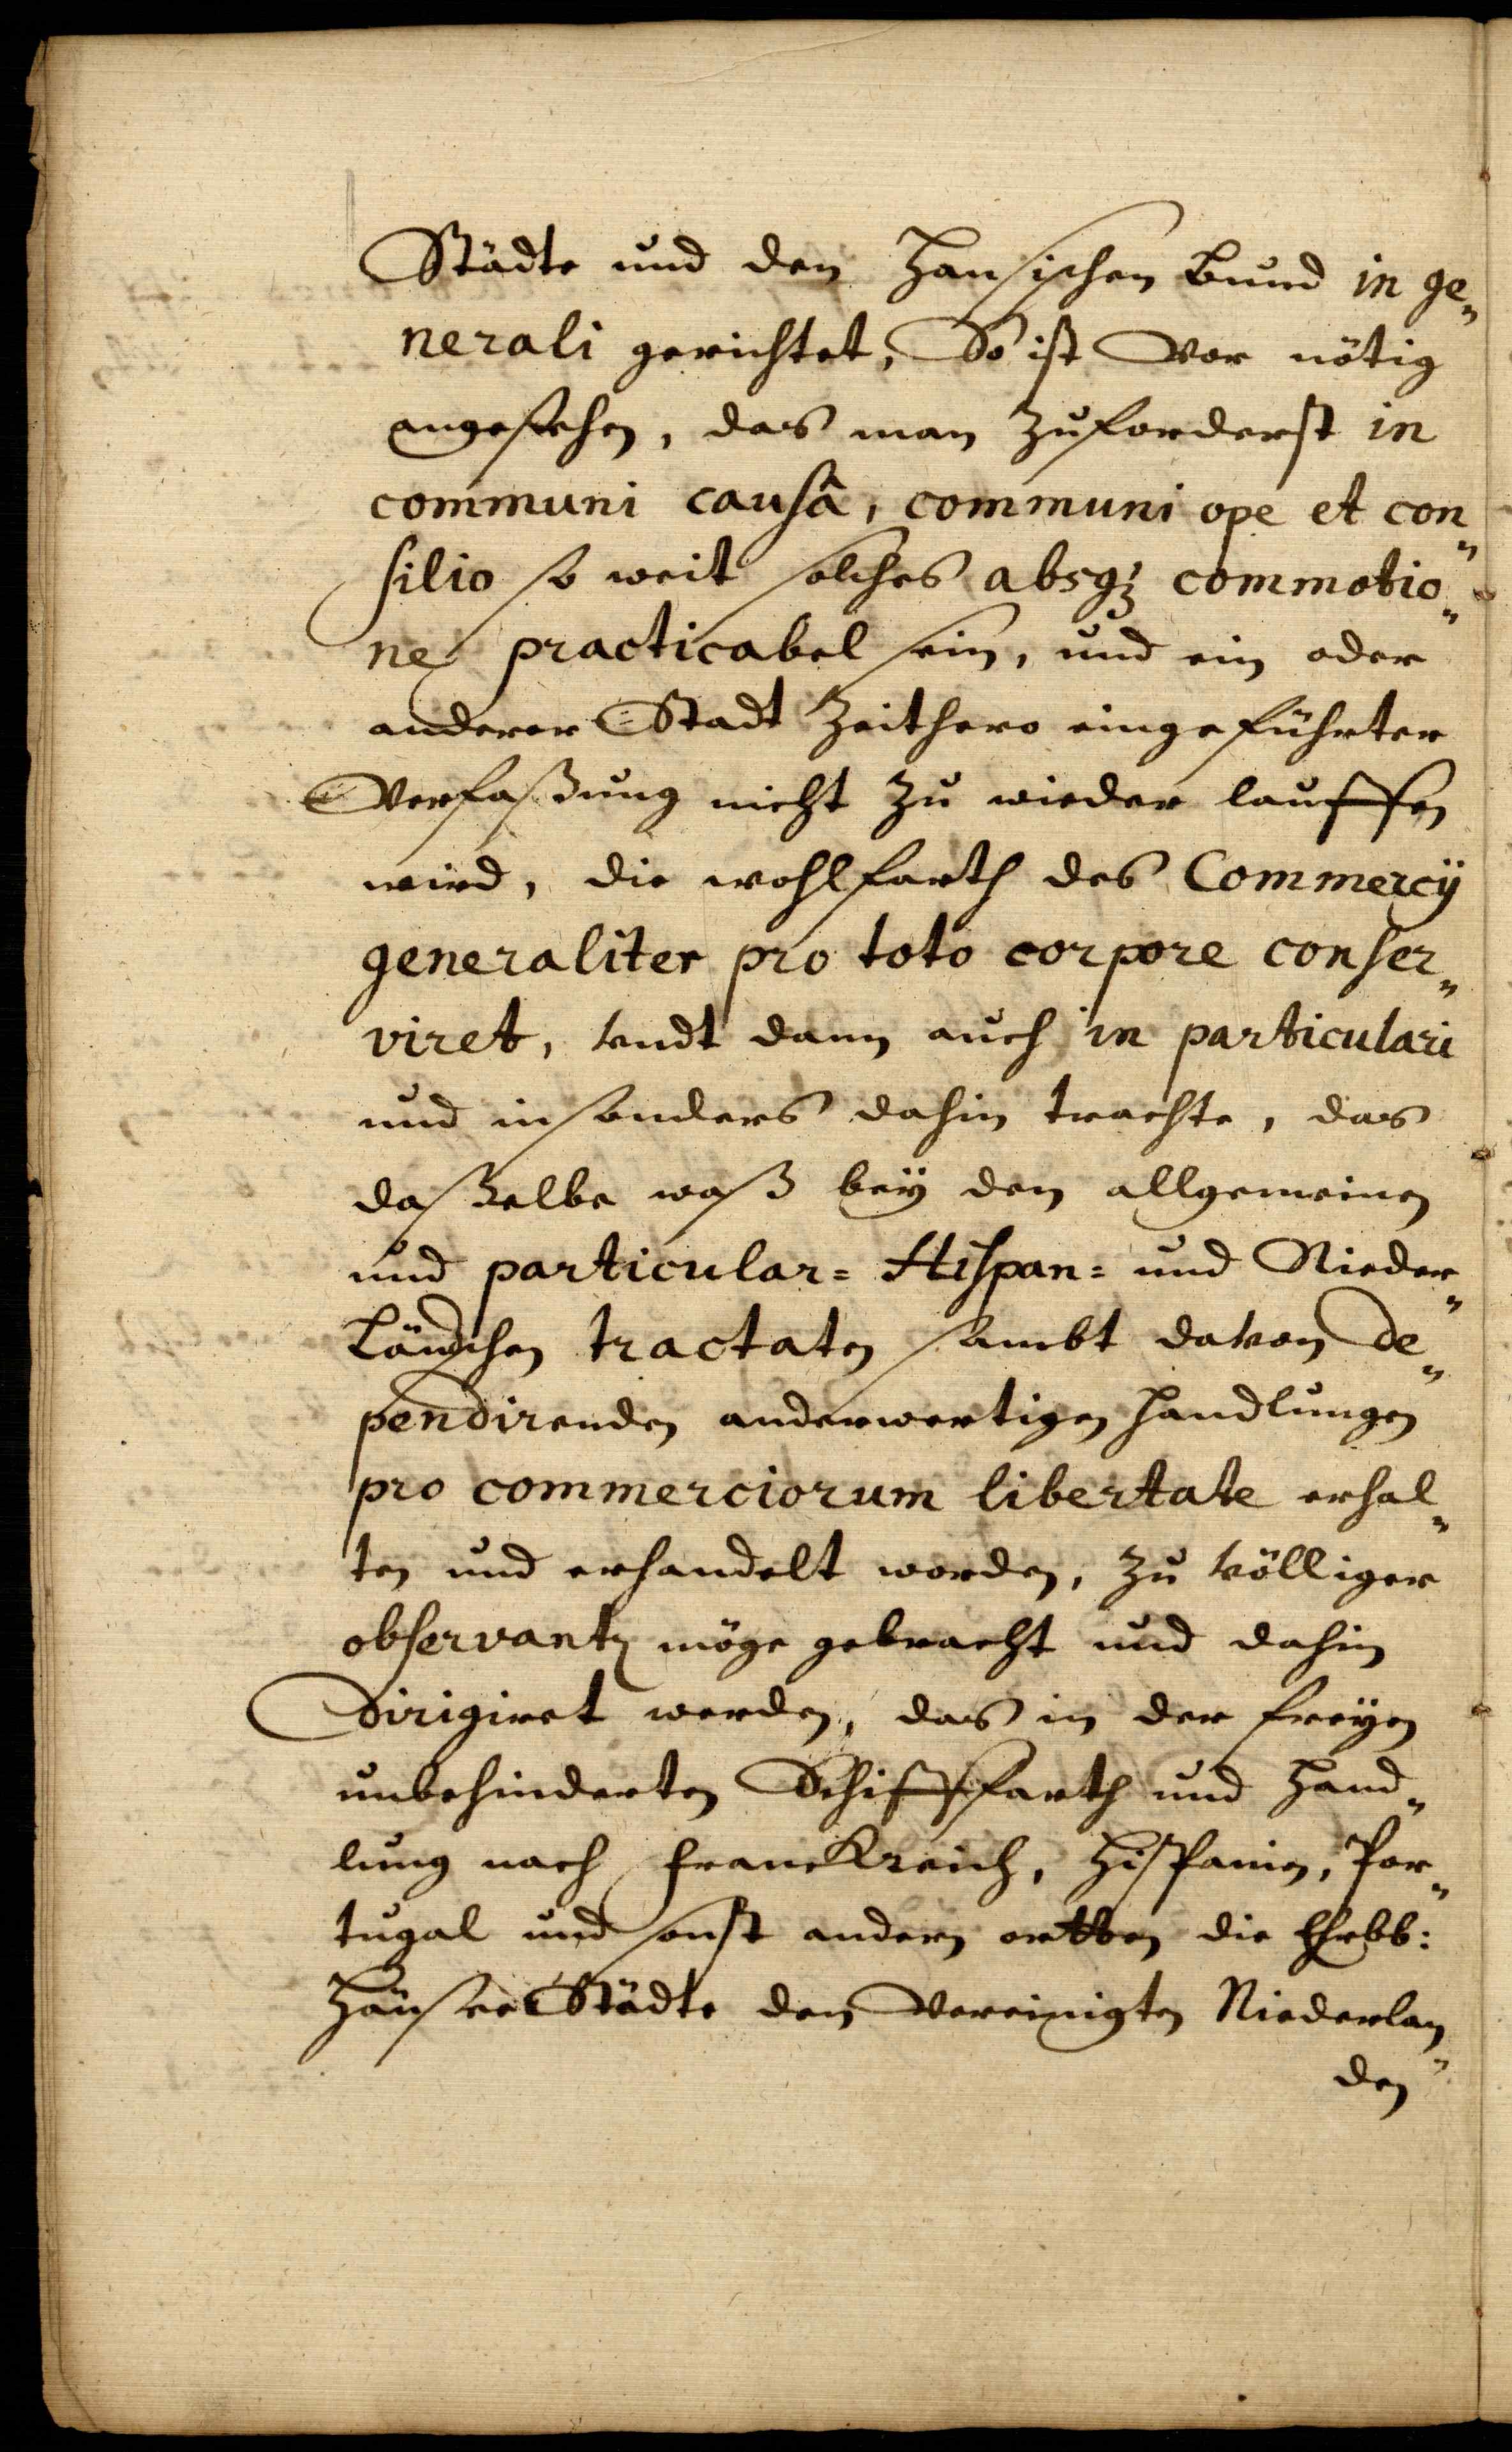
Städte und den Hansischen Bund in ge¬
nerali gerichtet, So ist vor nötig
angesehen, dass man zuforderst in
communi causa, communi ope et con¬
silio so weit solches absque commotio¬
ne practicabel sein, und ein oder
anderer Stadt zeithero eingeführter
verfaßung nicht zu wieder lauffen
wird, die wohlfarth des Commercij
generaliter pro toto corpore conser¬
viret, undt dann auch in particulari
und insonders dahin trachte, das
daßelbe waß beij den allgemeinen
und particular= Hispan=und Nieder¬
Ländschen tractaten sambt davon De¬
pendirenden anderwertigen Handlungen
pro commerciorum libertate erhal¬
ten und erhandelt worden, zu völliger
observanten möge gebracht und dahin
dirigiret werden, das in der freijen
unbehinderten Schifffarth und Hand¬
lung nach Franckreich, Hispanien, Por¬
tugal und sonst anderen ortten, die Ehrbb:
Hänsee Städte den vereinigten Niederlan¬
den
